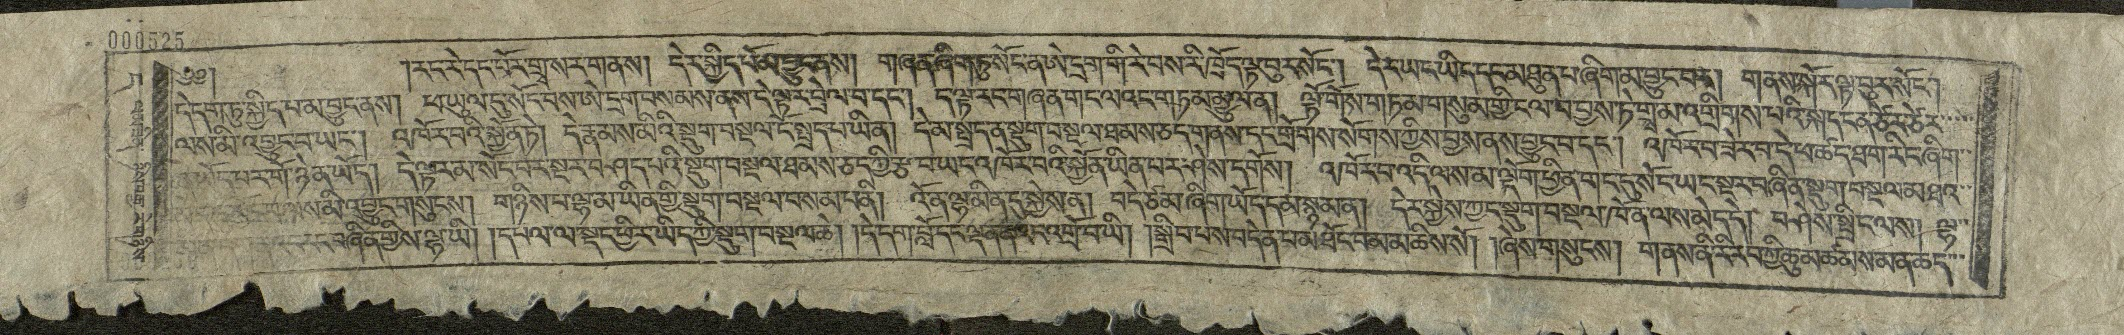༄༅། །རང་རེ་དང་པོར་གྲྭ་སར་གནས། དེར་སྐྱིད་པོ་མ་བྱུང་ནས། གཞན་ཞིག་ཏུ་སོང་ན་ཨེ་དྲག་གི་རེ་བས་རི་ཁྲོད་ལྟ་བུར་སོང་། དེར་ཡང་ཡིད་དང་མཐུན་པ་ཞིག་མ་བྱུང་བར། གནས་སྐོར་ལྟ་བུར་སོང་།
དེ་དག་ཏུ་སྐྱིད་པ་མ་བྱུང་ནས། ཕ་ཡུལ་དུ་སོང་བས་ཨེ་དྲག་བསམས་ནས་དེ་ལྟར་བྲེལ་བ་དང་། ད་ལྟ་རང་གཞན་གང་ལའང་གཏམ་མྱུལ་ན། ལྟོ་གོས་གཏམ་གསུམ་གྱི་ངལ་བ་བྱས་ཏེ་གྲྭ་མ་འགྲིགས་པའི་སྐད་ངན་ཙེར་ཙེར་
ལས་མི་འབྱུང་བ་ཡང་། འཁོར་བའི་སྐྱོན་ཏེ། དེ་རྣམས་མིའི་སྡུག་བསྔལ་ངོ་སྤྲད་པ་ཡིན། དེ་མ་སྤྲད་ན་སྡུག་བསྔལ་ཐམས་ཅད་གནས་དང་གྲོགས་སོགས་ཀྱིས་བྱས་ནས་བྱུང་བ་དང་། འཁོར་བ་ཟེར་བ་དེ་ཕ་ཚད་ཐག་རིང་ཞིག་
ན་ཡོད་པར་གོ་ཉེན་ཡོད། དེ་ལྟར་མ་སོང་བར་སྔར་བཤད་པའི་སྡུག་བསྔལ་ཐམས་ཅད་ཀྱི་རྩ་བ་ཡང་འཁོར་བའི་སྐྱོན་ཡིན་པར་ཤེས་དགོས། འཁོར་བ་འདི་ལས་མ་ལྡོག་ཕྱིན་གང་དུ་སོང་ཡང་སྔར་བཞིན་སྡུག་བསྔལ་མཐའ་
མེད་དུ་མྱོང་བ་ལས་མི་འབྱུང་གསུངས། གཉིས་པ་ལྷ་མ་ཡིན་གྱི་སྡུག་བསྔལ་བསམ་པ་ནི། འོ་ན་ལྷ་མིན་དུ་སྐྱེས་ན། བདེ་ཙམ་ཞིག་ཡོད་དམ་སྙམ་ན། དེར་སྐྱེས་ཀྱང་སྡུག་བསྔལ་ཁོ་ན་ལས་མེད་དེ། བཤེས་སྤྲིང་ལས། ལྷ་
མིན་དག་ནའང་རང་བཞིན་གྱིས་ལྷ་ཡི། །དཔལ་ལ་སྡང་ཕྱིར་ཡིད་ཀྱི་སྡུག་བསྔལ་ཆེ། །དེ་དག་བློ་དང་ལྡན་ནའང་འགྲོ་བ་ཡི། །སྒྲིབ་པས་བདེན་པ་མཐོང་བ་མ་མཆིས་སོ། །ཞེས་གསུངས། གནས་ནི་རི་རབ་ཀྱི་ཆུ་མཚམས་མན་ཆད་